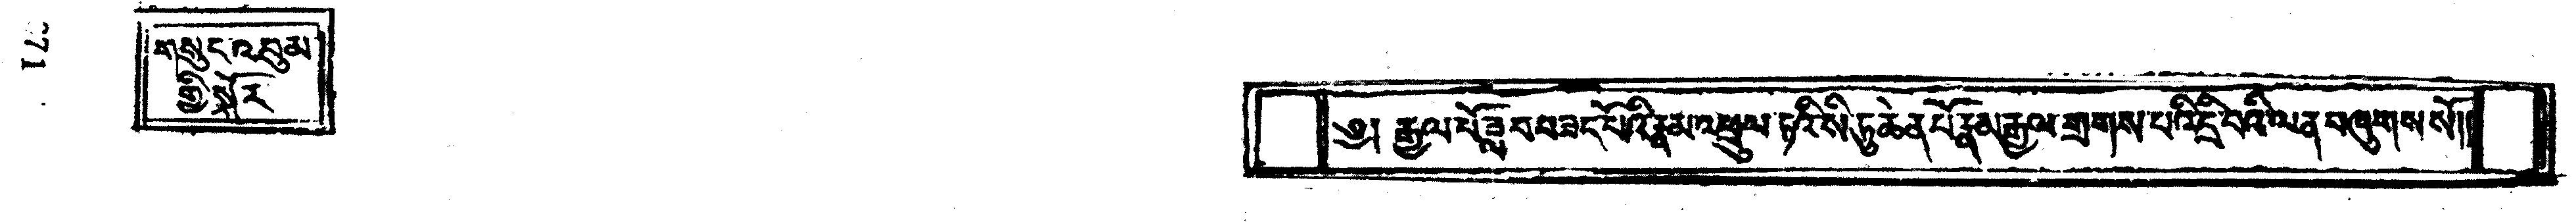གསུང་འབུམ་གྱི་སྐོར་
༈། །རྒྱལ་པོ་ཟླ་བ་བཟང་པོའི་རྣམ་འཕྲུལ་ཏའི་སི་ཏུ་ཆེན་པོ་རྣམ་རྒྱལ་གྲགས་པའི་དྲི་བའི་ལན་བཞུགས་སོ།།